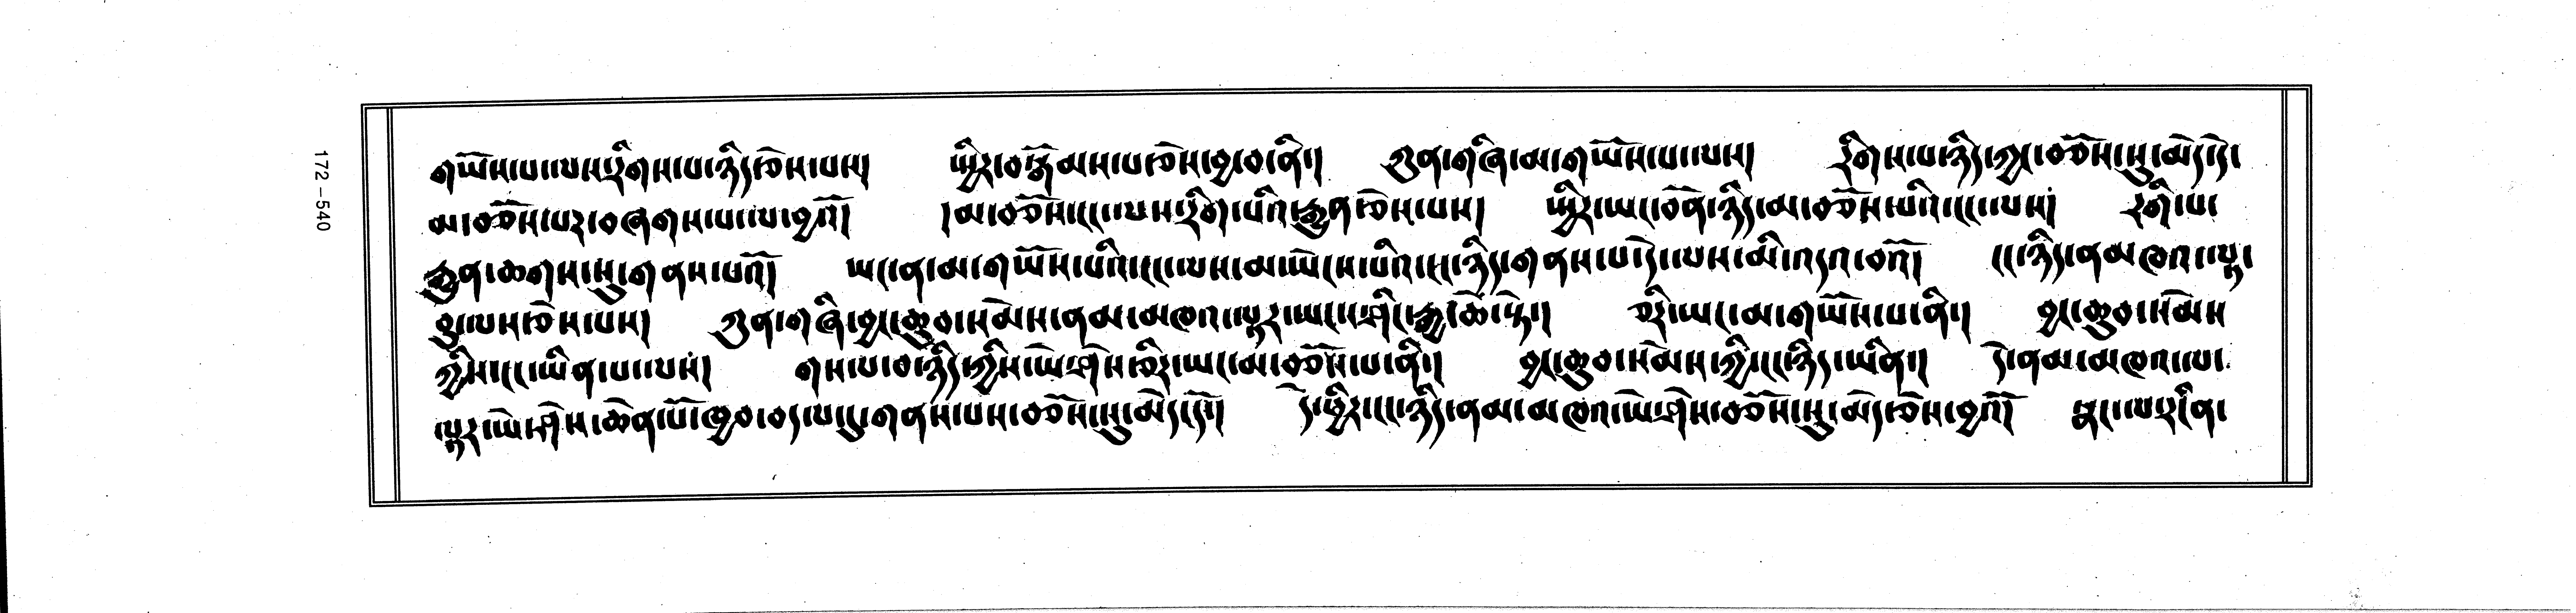གཡོས་པ་ལས་རིག་པ་ཉིད་ཅེས་པས། སྤྱིར་བསྒོམས་པ་ཅེས་བྱ་བ་ནི། ཀུན་གཞི་མ་གཡོས་པ་ལས། རིག་པ་ཉིད་ཀྱང་བཅོས་སུ་མེད་དེ་
མ་བཅོས་པར་བཞགས་པ་བྱའོ། མ་བཅོས་ངང་ལས་རིག་པའི་རྒྱུན་ཅེས་པས། སྤྱིར་ཡང་བོན་ཉིད་མ་བཅོས་པའི་ངང་ལས། རིག་པ་
རྒྱུན་ཆགས་སུ་གནས་པའོ། ཡང་ན་མ་གཡོས་པའི་ངང་ལས་མ་གཡེངས་པའི་ངང་ཉིད་གནས་པ་དེ་ལས་མི་འདའ་བའོ། ངང་ཉིད་ནམ་མཁའ་ལྟ་
བུ་ལས་ཅེས་པས། ཀུན་གཞི་བྱང་ཆུབ་སེམས་ནམ་མཁའ་ལྟར་ཡངས་ཤིང་རྒྱ་ཆེ་སྟེ། ཅིར་ཡང་མ་གཡོས་པ་ནི། བྱང་ཆུབ་སེམས་
ཀྱིས་ངང་ཡིན་པ་ལས། གསལ་བ་ཉིད་ཀྱིས་ཡེ་ཤེས་ཅིར་ཡང་མ་བཅོས་པ་ནི། བྱང་ཆུབ་སེམས་ཀྱི་ངང་ཉིད་ཡིན། དེ་ནམ་མཁའ་ལ་
ལྟར་ཡེ་ཤེས་ཆེན་པོ་ཁྱབ་བདལ་དུ་གནས་པས་བཅོས་སུ་མེད་དོ། དེ་ཕྱིར་ངང་ཉིད་ནམ་མཁའ་ཡེ་ཤེས་བཅོས་སུ་མེད་ཅེས་བྱའོ། སྣང་ལ་རང་བཞིན་མེད་པ་བསྒོམས་ནས་ཅེས་པས། བསྒོམ་པ་ཐམས་ཅད་ནི་སྣང་ལ་རང་བཞིན་